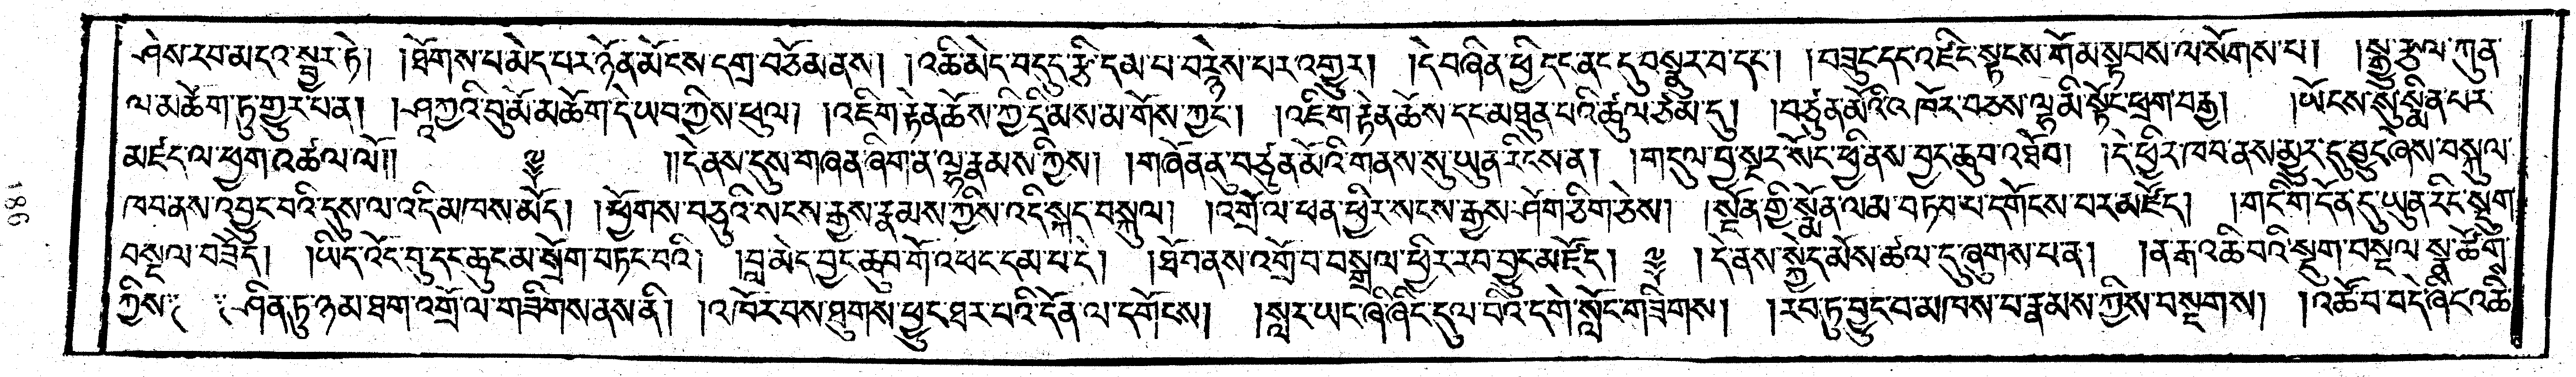ཤེས་རབ་མདའ་སྦྱར་ཏེ། །ཐོགས་པ་མེད་པར་ཉོན་མོངས་དགྲ་བཅོམ་ནས། །འཆི་མེད་བདུད་རྩི་དམ་པ་བརྙེས་པར་འགྱུར། །དེ་བཞིན་ཕྱི་དང་ནང་དུ་བསྣུར་བ་དང་། །བཟུང་དང་འཛིང་སྟངས་གོམ་སྟབས་ལ་སོགས་པ། །སྒྱུ་རྩལ་ཀུན་
ལ་མཆོག་ཏུ་གྱུར་པ་ན། །ཤཱཀྱའི་བུ་མོ་མཆོག་དེ་ཡབ་ཀྱིས་ཕུལ། །འཇིག་རྟེན་ཆོས་ཀྱི་དྲི་མས་མ་གོས་ཀྱང་། །འཇིག་རྟེན་ཆོས་དང་མཐུན་པའི་ཚུལ་ཙམ་དུ། །བཙུན་མོའི་འཁོར་བཅས་ལྷ་མི་སྟོང་ཕྲག་བརྒྱ། །ཡོངས་སུ་སྨིན་པར་
མཛད་ལ་ཕྱག་འཚལ་ལོ།། ༈ །།དེ་ནས་དུས་གཞན་ཞིག་ན་ལྷ་རྣམས་ཀྱིས། །གཞོན་ནུ་བཙུན་མོའི་གནས་སུ་ཡུན་རིངས་ན། །གདུལ་བྱ་སྔར་སོང་ཕྱི་ནས་བྱང་ཆུབ་འཐོབ། །དེ་ཕྱིར་ཁབ་ནས་མྱུར་དུ་བྱུང་ཞེས་བསྐུལ་
ཁབ་ནས་འབྱུང་བའི་དུས་ལ་འདི་མཁས་མོད། །ཕྱོགས་བཅུའི་སངས་རྒྱས་རྣམས་ཀྱིས་འདི་སྐད་བསྐུལ། །འགྲོ་ལ་ཕན་ཕྱིར་སངས་རྒྱས་ཤོག་ཅིག་ཅེས། །སྔོན་གྱི་སྨོན་ལམ་བཏབ་པ་དགོངས་པར་མཛོད། །གང་གི་དོན་དུ་ཡུན་རིང་སྡུག་
བསྔལ་བཟོད། །ཡིད་འོང་བུ་དང་ཆུང་མ་སྲོག་བཏང་བའི། །བླ་མེད་བྱང་ཆུབ་གོ་འཕང་དམ་པ་དེ། །ཐོབ་ནས་འགྲོ་བ་བསྒྲལ་ཕྱིར་རབ་བྱུང་མཛོད། ༈ །དེ་ནས་སྐྱེད་མོས་ཚལ་དུ་ཞུགས་པ་ན། །ན་རྒ་འཆི་བའི་སྡུག་བསྔལ་སྣ་ཚོགས་
ཀྱིས༑ ༑ཤིན་ཏུ་ཉམ་ཐག་འགྲོ་ལ་གཟིགས་ནས་ནི། །འཁོར་བས་ཐུགས་ཕྱུང་ཐར་པའི་དོན་ལ་དགོངས། །སླར་ཡང་ཞི་ཞིང་དུལ་བའི་དགེ་སློང་གཟིགས། །རབ་ཏུ་བྱུང་བ་མཁས་པ་རྣམས་ཀྱིས་བསྔགས། །འཚོ་བ་བདེ་ཞིང་འཆི་